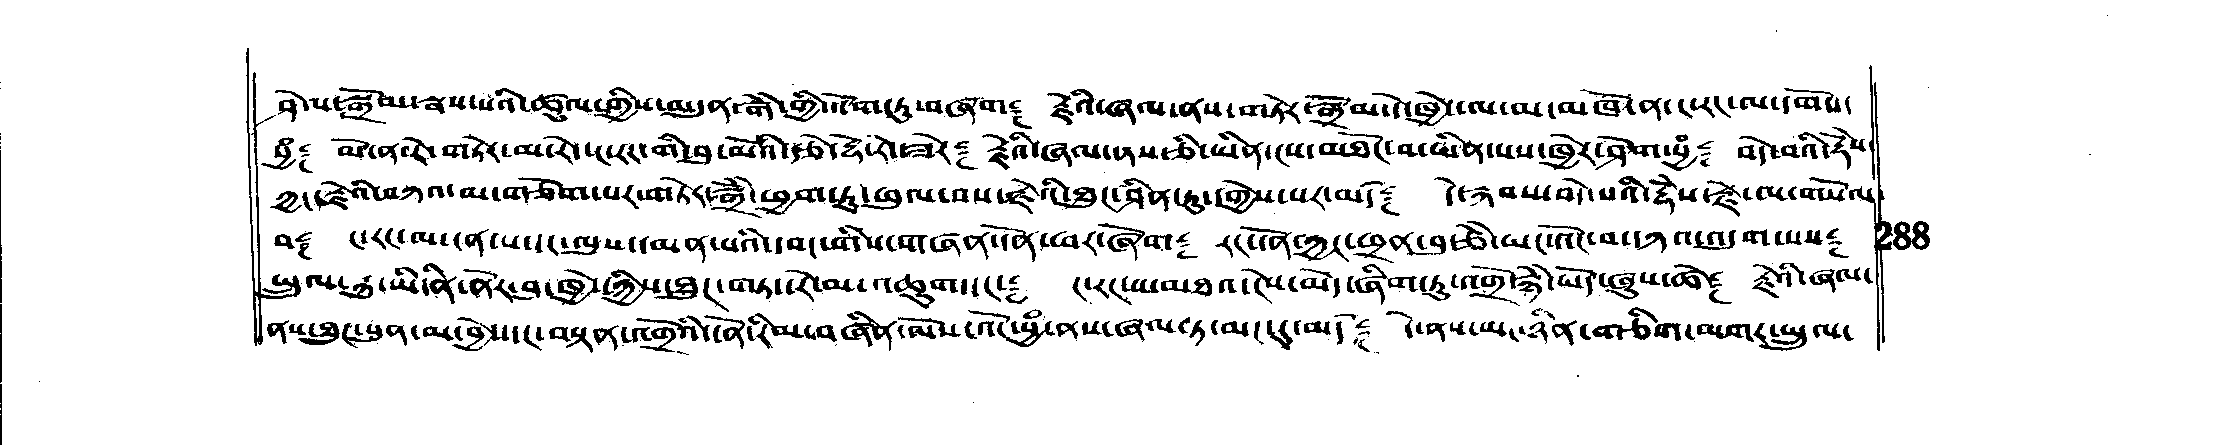ཤེལ་སྒྲོམ་སྦས་པའི་ཚུལ་གྱིས་མདུན་སྒམ་གྱི་འོག་ཏུ་བཞག རྗེའི་ཞལ་ནས་གཏེར་སྒྲོམ་དེ་ཁྱེད་ལ་མ་མཁོ་ན་ང་རང་ལ་དགོས་
གསུང་། མོ་ན་རེ་གཏེར་མ་རེད་ང་རང་གི་བུ་མོའི་རྩེ་རྡོ་རེད་ཟེར། རྗེའི་ཞལ་ནས་ཅི་ཡིན་ངས་མཐོང་བ་ཡིན་པས་ཁྱེར་ཤོག་གསུང་། བདེ་བའི་རྡོ་རྗེས་
ཀྱང་རྗེའི་བཀའ་མ་གཅོག་པར་གཏེར་སྒྲོམ་ཕྱག་ཏུ་ཕུལ་བས་རྗེའི་ཐུགས་ཤིན་ཏུ་དགྱེས་པར་མཛད། དེ་སྐབས་བདེ་བའི་རྡོ་རྗེས་རྗེ་ལ་གསོལ་
བ། ང་རང་ལ་༼ལས་?༽ངན་པ་དང་ལུས་དམན་པའི་དབང་གིས་གཞན་དོན་ཕར་ཞོག རང་དོན་ཀྱང་ཕྲན་བུ་ཙམ་ཡང་འོང་བ་དཀའ་འདུག་པས། 
སྤྲུལ་སྐུ་ཡིད་བཞིན་ནོར་བུ་ཁྱེད་ཀྱིས་ཐུགས་གཏད་རེ་མ་འཆུག་དང་།ང་རང་ས་མཐའ་ངེས་མེད་ཞིག་ཏུ་འགྲོ་སྙམ་ཡོད་ཞུས་ཚེ། རྗེའི་ཞལ་
ནས་ཐུགས་སུན་མ་བྱེད་དང་བསྟན་འགྲོའི་དོན་རིམ་བཞིན་ལོས་འོང་གསུང་ནས་ཞལ་ཏ་མང་དུ་མཛད། དེ་ནས་ཡང་ཉིན་གཅིག་མགར་སྤྲུལ་